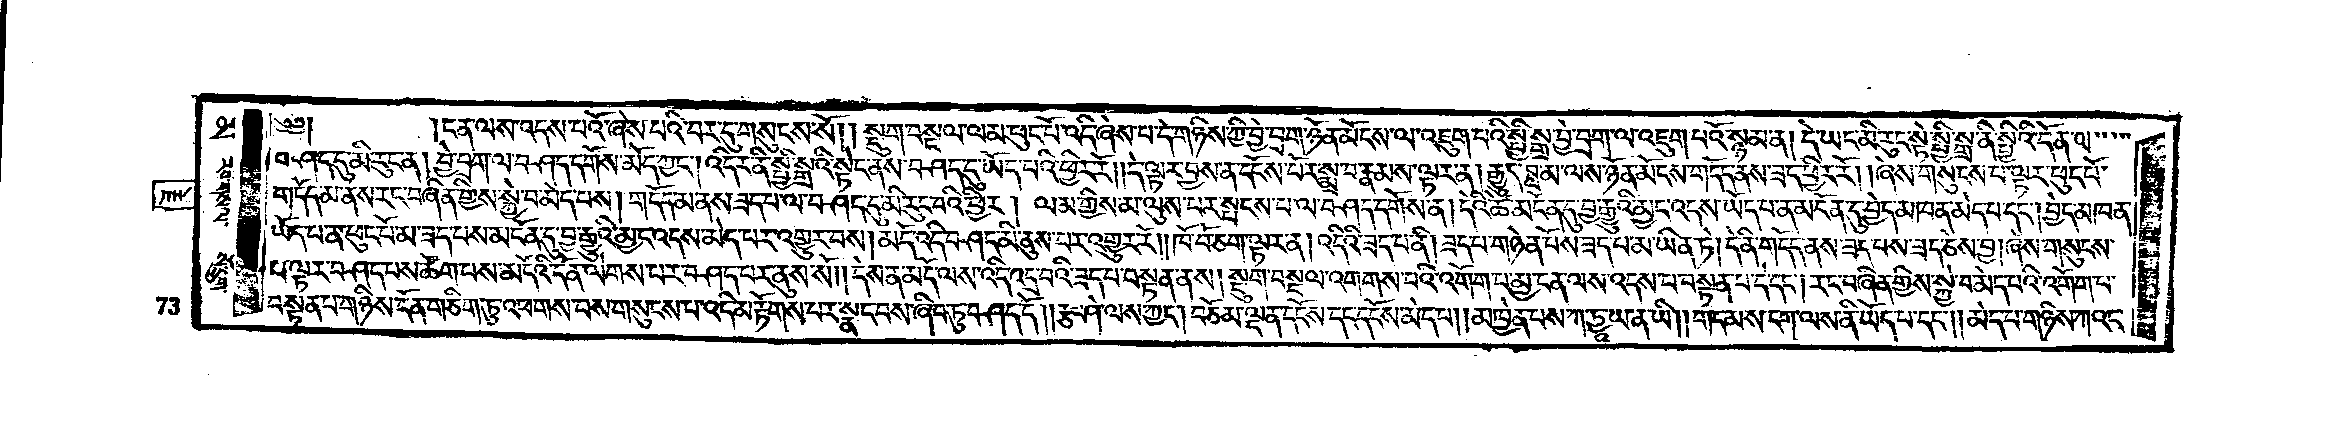༄༅། །ངན་ལས་འདས་པའོ་ཞེས་པའི་བར་དུ་གསུངས་སོ། །སྡུག་བསྔལ་ལམ་ཕུང་པོ་འདི་ཞེས་པ་དེ་གཉིས་ཀྱི་བྱེ་བྲག་ཉོན་མོངས་ལ་འཇུག་པའི་སྤྱི་སྒྲ་བྱེ་བྲག་ལ་འཇུག་པའོ་སྙམ་ན། དེ་ཡང་མི་རུང་སྟེ་སྤྱི་སྒྲ་ནི་སྤྱིའི་དོན་ལ་
བཤད་དུ་མི་རུང་ན། བྱེ་བྲག་ལ་བཤད་དགོས་མོད་ཀྱང་། འདིར་ནི་སྤྱི་སྒྲའི་སྟེང་ནས་བཤད་དུ་ཡོད་པའི་ཕྱིར་རོ། །དེ་ལྟར་བྱས་ན་དངོས་པོར་སྨྲ་བ་རྣམས་ལྟར་ན། རྒྱུད་བླ་མ་ལས་ཉོན་མོངས་གདོད་ནས་ཟད་ཕྱིར་རོ། །ཞེས་གསུངས་པ་ལྟར་ཕུང་པོ་
གདོད་མ་ནས་རང་བཞིན་གྱིས་སྐྱེ་བ་མེད་པས། གདོད་མ་ནས་ཟད་པ་ལ་བཤད་དུ་མི་རུང་བའི་ཕྱིར། ལམ་གྱིས་མ་ལུས་པར་སྤངས་པ་ལ་བཤད་དགོས་ན། དེའི་ཚེ་མངོན་དུ་བྱ་རྒྱུའི་མྱང་འདས་ཡོད་པ་ན་མངོན་དུ་བྱེད་མཁན་མེད་པ་དང་། བྱེད་མཁན་
ཡོད་པ་ན་ཕུང་པོ་མ་ཟད་པས་མངོན་དུ་བྱ་རྒྱུའི་མྱང་འདས་མེད་པར་འགྱུར་བས། མདོ་འདི་བཤད་མི་ནུས་པར་འགྱུར་རོ། །ཁོ་བོ་ཅག་ལྟར་ན། འདིའི་ཟད་པ་ནི། ཟད་པ་གཉེན་པོས་ཟད་པ་མ་ཡིན་ཏེ། དེ་ནི་གདོད་ནས་ཟད་པས་ཟད་ཅེས་བྱ། ཞེས་གསུངས་
པ་ལྟར་བཤད་པས་ཆོག་པས་མདོའི་དོན་ལེགས་པར་བཤད་པར་ནུས་སོ། །དེས་ན་མདོ་ལས་འདི་འདྲ་བའི་ཟད་པ་བསྟན་ནས། སྡུག་བསྔལ་འགགས་པའི་འགོག་པ་མྱ་ངན་ལས་འདས་པ་བསྟན་པ་དེ་དང་། རང་བཞིན་གྱིས་སྐྱེ་བ་མེད་པའི་འགོག་པ་
བསྟན་པ་གཉིས་དོན་གཅིག་ཏུ་འཕགས་པས་གསུངས་པ་འདི་མ་རྟོགས་པར་སྣང་བས་ཞིབ་ཏུ་བཤད་དོ། །རྩ་ཤེ་ལས་ཀྱང་། བཅོམ་ལྡན་དངོས་དང་དངོས་མེད་པ། །མཁྱེན་པས་ཀ་ཏྱཱ་ཡ་ན་ཡི། །གདམས་ངག་ལས་ནི་ཡོད་པ་དང་། །མེད་པ་གཉིས་ཀའང་